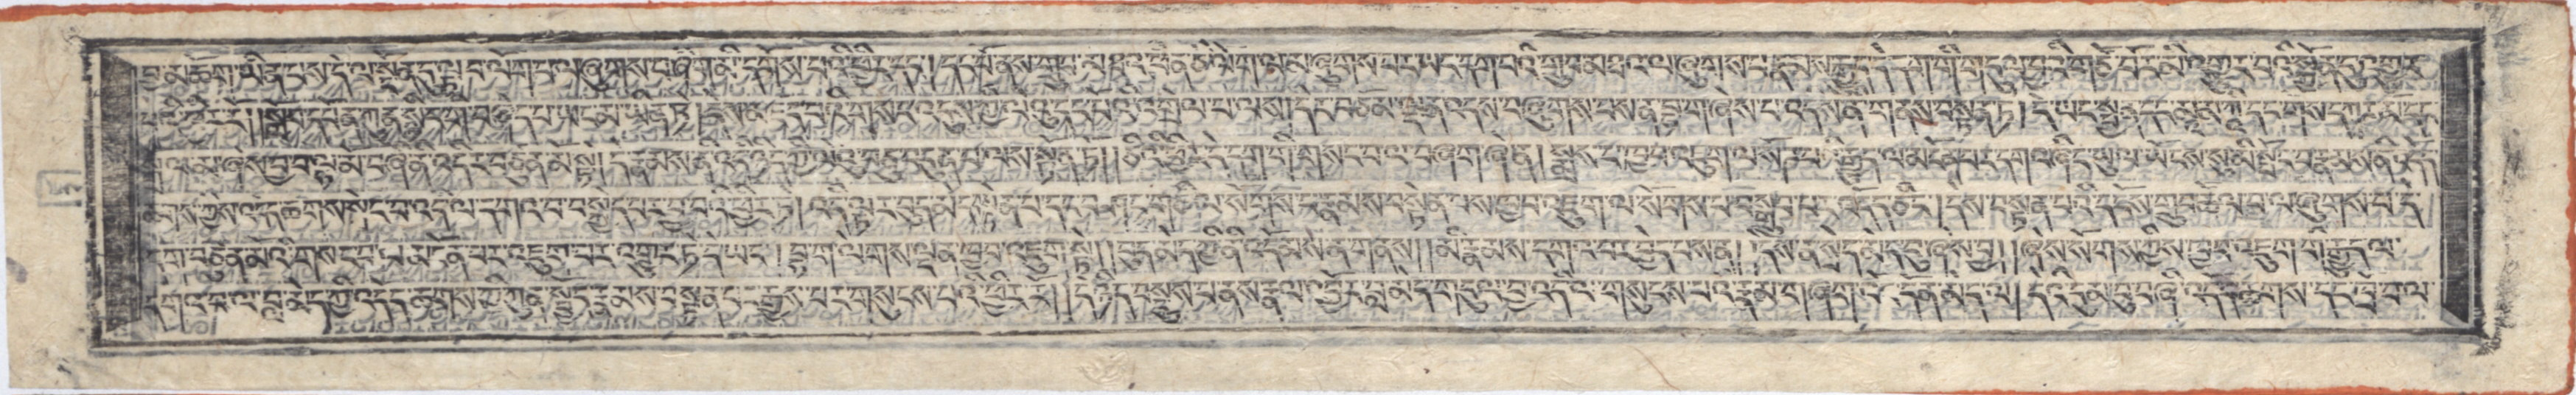བྱ་མཆོག་ཡིན་པས་དེ་ལ་སྔོན་དུ་ལྟ་བ་ལོག་པ་ལ་ཞུགས་པ་ཞིག་མི་དགོས་པའི་ཕྱིར་དང་། དང་པོ་ནས་གྲུབ་མཐའ་ཕྱིན་ཅི་ལོག་ལ་མ་ཞུགས་པར་ཡང་དག་པའི་གྲུབ་མཐའ་ལ་ཞུགས་པ་རྣམས་རྒྱུད་དེ་དག་གི་གདུལ་བྱའི་གཙོ་བོར་མི་འགྱུར་བའི་སྐྱོན་དུ་འགྱུར་
པའི་ཕྱིར་རོ། །སློབ་དཔོན་ཀུན་སྙིང་གི་བཞེད་པ་ཡང་མ་ཡིན་ཏེ། དེས་མཛད་པའི་གསང་འདུས་ཀྱི་ལེའུ་དང་པོའི་འགྲེལ་པ་ལས། དེར་བཅོམ་ལྡན་འདས་བཞུགས་པས་ན་བྷ་ག་ཞེས་པ་འདིས་ནི་གནས་བསྟན་ཏེ། དེ་ཡང་སྤྱན་དང་མཱ་མ་ཀཱི་དང་གོས་དཀར་མོ་དང་
སྒྲོལ་མ་ཞེས་བྱ་བ་ལྷ་མོ་བཞི་ནི་འདིར་བཙུན་མོ་སྟེ། དེ་རྣམས་ནི་འདི་ཉིད་ཀྱི་ལེའུ་བཅུ་བདུན་པ་ལས་སྟོན་ཏོ། །ཅིའི་ཕྱིར་དེ་དག་གི་གསང་བ་ལ་བཞག་ཞེ་ན། སྨྲས་པ་ཁྱབ་འཇུག་ལ་སོཌ་པའི་རྒྱུད་ལ་མངོན་པར་དགའ་ཞིང་ཡུལ་ཡོངས་སུ་མི་སྤོང་བ་རྣམས་ནི་འདོད་
ཆགས་ཀྱིས་འདོད་ཆགས་སྤོང་བ་འདི་ལ་དགའ་བ་བསྐྱེད་པར་བྱ་བའི་ཕྱིར་ཏེ། འདི་ལྟར་བུད་མེད་བསྟེན་པ་དང་བཤད་གཅིལ་སོགས་པ་རྣམས་བསྟེན་པས་ཁྱབ་འཇུག་ལ་སོགས་པ་བསྒྲུབ་པར་འདོད་ཅིང་། དེས་བསྟན་པའི་དངོས་གྲུབ་ཚོལ་བ་ལ་ཞུགས་པ་དེ་
དག་བཙུན་མོའི་གསང་བ་ལ་མངོན་པར་འཇུག་པར་འགྱུར་ཏེ་དེ་ཡང་། བྷ་ག་ལེགས་ལྡན་ཁྱབ་འཇུག་སྟེ། །བུད་མེད་ཀྱི་ནི་འདོམས་ན་གནས། །མི་རྣམས་དགའ་བར་བྱེད་པས་ན། །དེས་ན་སྲེད་མེད་བུ་ཞེས་བྱ། །ཞེས་སོགས་ཀྱིས་ཁྱབ་འཇུག་གི་རྒྱུད་ལ་
དགའ་བ་ལ་བླ་མེད་ཀྱི་འདོད་ཆགས་ཀྱི་ཀུན་སྤྱོད་རྣམས་བསྟན་པར་རྒྱས་པར་གསུངས་པའི་ཕྱིར་རོ། །དེ་ཉིད་བསྡུས་པ་ནས་རྣལ་འབྱོར་བླ་མེད་གདུལ་བྱ་འདི་ལ་གསུངས་པའི་རྣམ་གཞག་འོང་དོན་མེད་ལ། དེའི་དུམ་བུ་བཞི་འདོད་ཆགས་དང་ཁྲོ་བ་ལ་